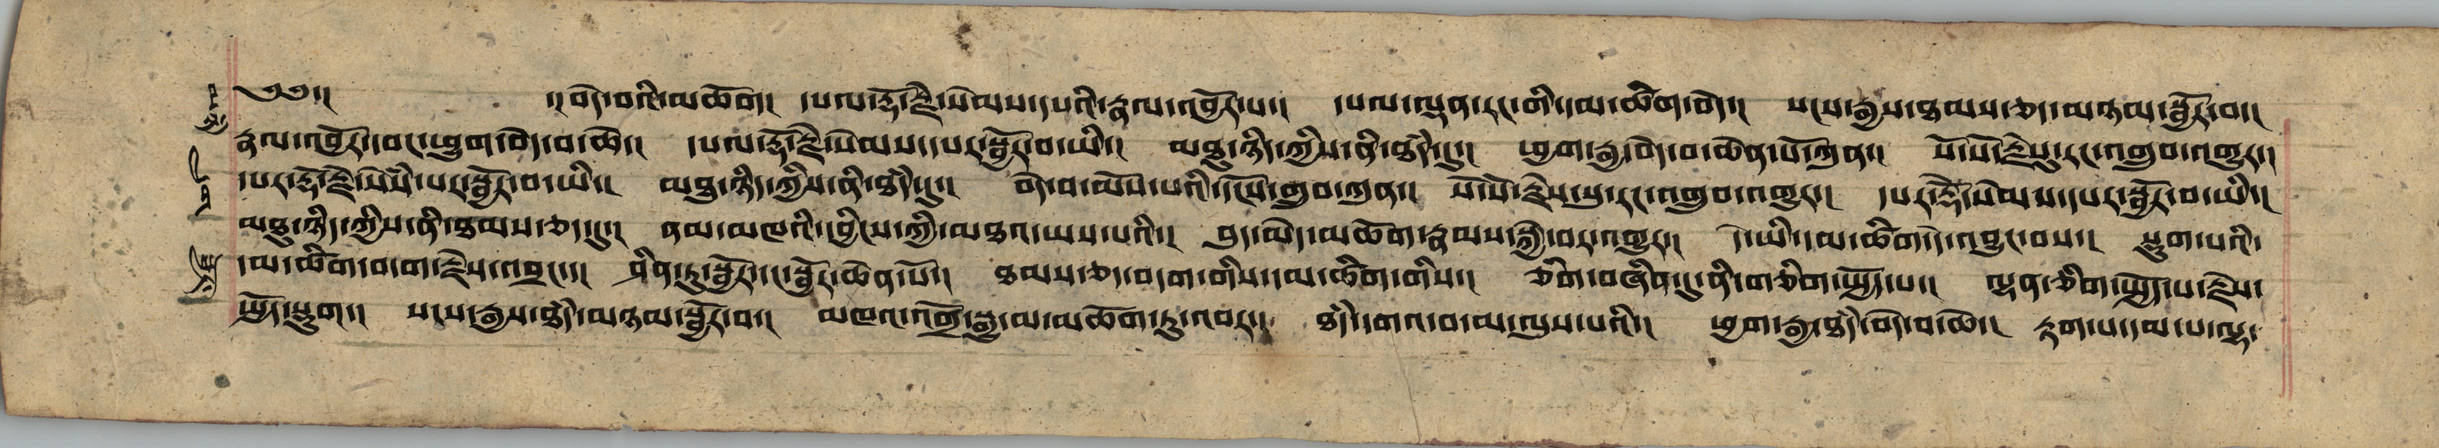༄༅་། ་།བདེ་བའི་མཆོག། དཔལ་རྡོ་རྗེ་སེམས་དཔའི་རྣལ་འབྱོར་པ་། དཔལ་ལྡན་རང་གི་དམ་ཚིག་བདེ་། སངས་རྒྱས་ཐམས་ཅད་མཉམ་སྦྱོར་བ་།
རྣལ་འབྱོར་དབང་ཕྱུག་བདེ་བ་ཆེ་། དཔལ་རྡོ་རྗེ་སེམས་དཔར་སྦྱོར་བ་ཡི་། མཐུ་ཉིད་ཀྱིས་ནི་ཐདཾ་དུ་། ཕྱག་རྒྱ་བདེ་བ་ཆེན་པོ་ཀུན་། སོ་སོ་རྗེསུ་རང་འགྲུབ་འགྱུར་།
དཔར་རྡོ་རྗེ་སེཾས་པར་སྦྱོར་བ་ཡི་། མཐུ་ཉིད་ཀྱིས་ནི་ཐདཾ་དུ་། བདེ་བ་མོས་པའི་དངོས་གྲུབ་ཀུན་། སོ་སོ་རྗེས་སུ་རང་འགྲུབ་འགྱུར་། དཔར་རྡོེ་སེམས་དཔར་སྦྱོར་བ་ཡི་།
མཐུ་ཉིད་ཀྱིས་ནི་ཐམས་ཅད་དུ་། ནམ་མཁའི་དབྱིངས་ཀྱི་མཐའ་ཡས་པའི་། བུད་མེད་མཆོག་རྣམས་སྐྱེ་བར་འགྱུར་། དེ་ཡི་དམ་ཚིག་དེ་འབྱུང་བས་། སྡུག་པའི་
དམ་ཚིག་བདག་རྗེས་འབྲང་་། ཤིན་ཏུ་སྦྱོར་དང་སྦྱོར་ཆེན་པོ་། ཐམས་ཅད་བདག་གིས་དམ་ཚིག་གིས་། ཅིག་བཞིན་དུ་ནི་གཅིག་སྤྱོད་པ་། ལྷན་ཅིག་སྤྱོད་པ་རྗེས་
སྤྱོད་སྡུག་། སངས་རྒྱས་ཐཾད་མཉམ་སྦྱོར་བ་། མཁའ་འགྲོ་སྒྱུ་མ་མཆོག་ཏུ་འབར་། ཐཾད་དགའ་བ་མ་ལུས་པའི་། ཕྱག་རྒྱ་ཐཾད་བདེ་བ་ཆེ་། རྟག་པ་དམ་པ་ལྷ་